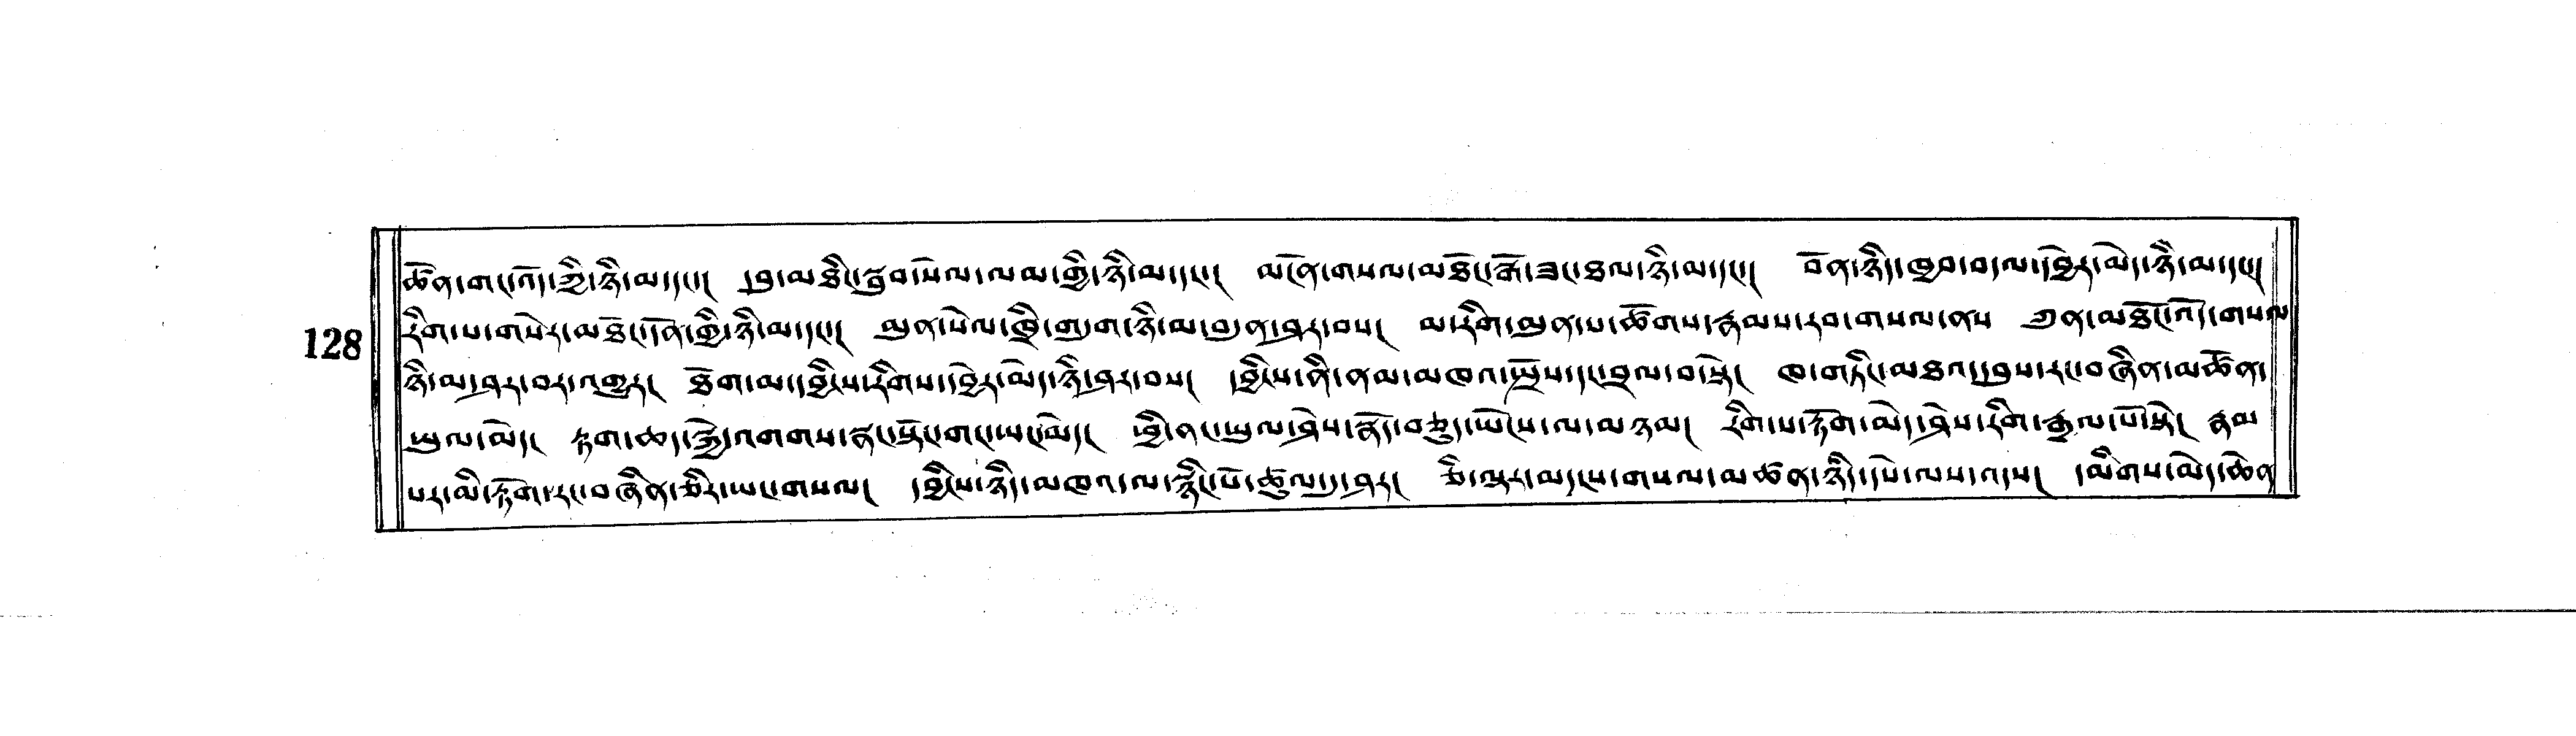ཚོན་གང་འོད་ཀྱི་ཉི་མ་དང་། དབུ་མཐིང་སྦུབས་སེལ་ལམ་གྱི་ཉི་མ་དང་། མངོན་གསལ་མཐོང་སྒོ་ཟང་ཐལ་ཉི་མ་དང་། བོན་ཉིད་ཁྱབ་བདལ་དབྱེར་མེད་ཉི་མ་དང་། 
རིག་པ་གསེར་མཐོང་དོན་གྱི་ཉི་མ་དང་། མུན་སེལ་ཁྲི་གདུག་ཉི་མ་བདུན་ཤར་བས། མ་རིག་མུན་པ་ཚོགས་རྣམས་རབ་བསལ་ནས། ཀུན་མཐོང་འོད་གསལ་
ཉི་མ་ཤར་བར་འགྱུར། ཐོག་མ་དབྱིངས་རིག་དབྱེར་མེད་ཉི་ཤར་བས། དབྱིངས་ནི་ནམ་མཁའ་སྤྲོས་དང་བྲལ་བ་སྟེ། མཁའ་གཏིང་མཐའ་དབུས་རང་བཞིན་མཚོན་
ཡུལ་མེད། རྟག་ཆད་སྐྱེ་འགག་སྣང་སྟོང་གང་ཡང་མེད། ཕྱི་ནང་ཡུལ་ཤེས་སྣོད་བཅུད་ཡོངས་ལ་མཉམ། རིག་པ་རྟོག་མེད་ཤེས་རིག་རྒྱལ་པོ་སྟེ། རྣམ་
པར་མི་རྟོག་རང་བཞིན་ཅིར་ཡང་གསལ། དབྱིངས་ཉིད་མཁའ་ལ་སྙིང་པོ་ཚུལ་དུ་ཤར། ཅི་ལྟར་མདངས་གསལ་མཚན་ཉིད་དཔེ་ལས་འདས། དམིགས་མེད་ཆེན་